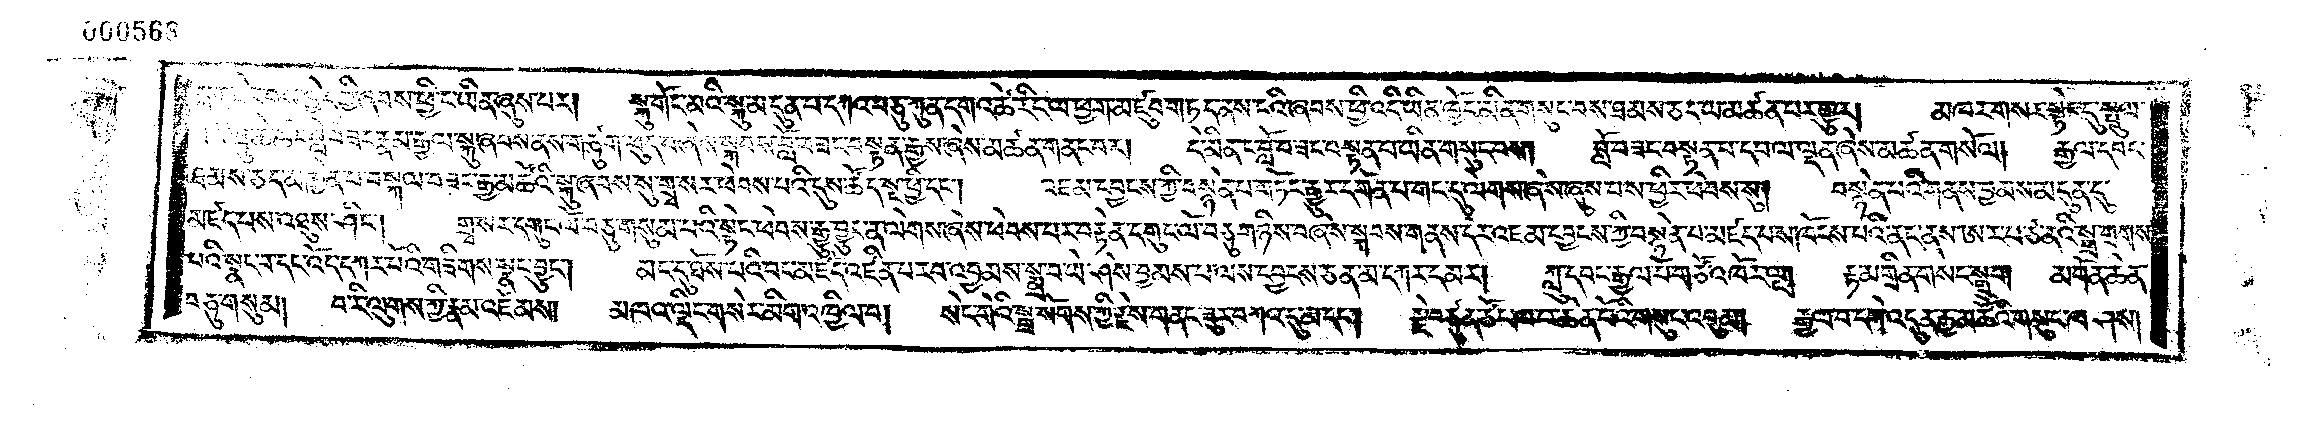སྒག་ཟེར་བས་ཁྱེད་ཀྱི་ཞབས་ཕྱིར་ཡིན་ཞུས་པར། སྐུ་གོང་མའི་སྐུ་མདུན་པ་དཀའ་བཅུ་ཀུན་དགའ་ཚེ་རིང་ལ་ཕྱག་མཛུབ་གཏད་ནས་ངའི་ཞབས་ཕྱི་འདི་ཡིན་ཁྱོད་མིན་གསུང་བས་ཐམས་ཅད་ཡ་མཚན་པར་གྱུར། མཁར་གསར་སྟེང་དུ་སྤྲུལ་
པའི་སྐུ་ཆེ་ཚང་བློ་བཟང་རྣམ་རྒྱལ་སྐུ་ཞབས་ནས་གཙུག་ཕུད་བཞེས་སྐབས་བློ་བཟང་བསྟན་རྒྱས་ཞེས་མཚན་གནང་བར། དེ་མིན་ང་བློ་བཟང་བསྟན་པ་ཡིན་གསུང་བས། བློ་བཟང་བསྟན་པ་དཔལ་ལྡན་ཞེས་མཚན་གསོལ། རྒྱལ་དབང་
ཐམས་ཅད་མཁྱེན་པ་བསྐལ་བཟང་རྒྱ་མཚོའི་སྐུ་ཞབས་སུ་གྲྭ་སར་ཕེབས་པའི་དུས་ཚོད་སྔ་ཕྱི་དང་། འཇམ་དབྱངས་ཀྱི་བསྙེན་བ་གཏོང་རྒྱུར་དགོན་པ་གང་དུ་ལེགས་ཞེས་ཞུས་པས་ཕྱིར་ཕེབས་སུ། བསྙེན་པའི་གནས་བྱམས་མདུན་དུ་
མཛད་པས་འཐུས་ཤིང་། གྲྭ་སར་དགུང་ལོ་བཅུ་གསུམ་པའི་སྟེང་ཕེབས་རྒྱུ་བྱུང་ན་ལེགས་ཞེས་ཕེབས་པར་བརྟེན་དགུང་ལོ་བཅུ་གཉིས་བཞེས་སྐབས་གནས་དེར་འཇམ་དབྱངས་ཀྱི་བསྙེན་པ་མཛད་པས་ཁོངས་པའི་ནང་ནས་ཨ་ར་པ་ཙ་ནའི་སྒྲ་གྲགས་
པའི་སྣང་བ་དང་འོད་དཀར་པོའི་གཟིགས་སྣང་བྱུང་། མང་དུ་ཐོས་པའི་བང་མཛོད་འཛིན་པ་རབ་འབྱམས་སྨྲ་པ་ཡེ་ཤེས་བྱམས་པ་ལས་དབྱངས་ཅན་མ་དཀར་དམར། ཀླུ་དབང་རྒྱལ་པོ་གཙོ་འཁོར་ལྔ། རྟ་མགྲིན་གསང་སྒྲུབ། མགོན་ཆེན་
བཅུ་གསུམ། བ་རི་ལུགས་ཀྱི་རྣམ་འཇོམས། མཁའ་ལྡིང་གསེར་མིག་འཁྱིལ་བ། སེང་གེའི་སྒྲ་སོགས་ཀྱི་རྗེས་གནང་ཟུར་བཀའ་དུ་མ་དང་། རྗེ་བཙུན་ཙོང་ཁ་བ་ཆེན་པོའི་གསུང་འབུམ། རྒྱལ་བ་དགེ་འདུན་རྒྱ་མཚོའི་གསུང་བཤས།